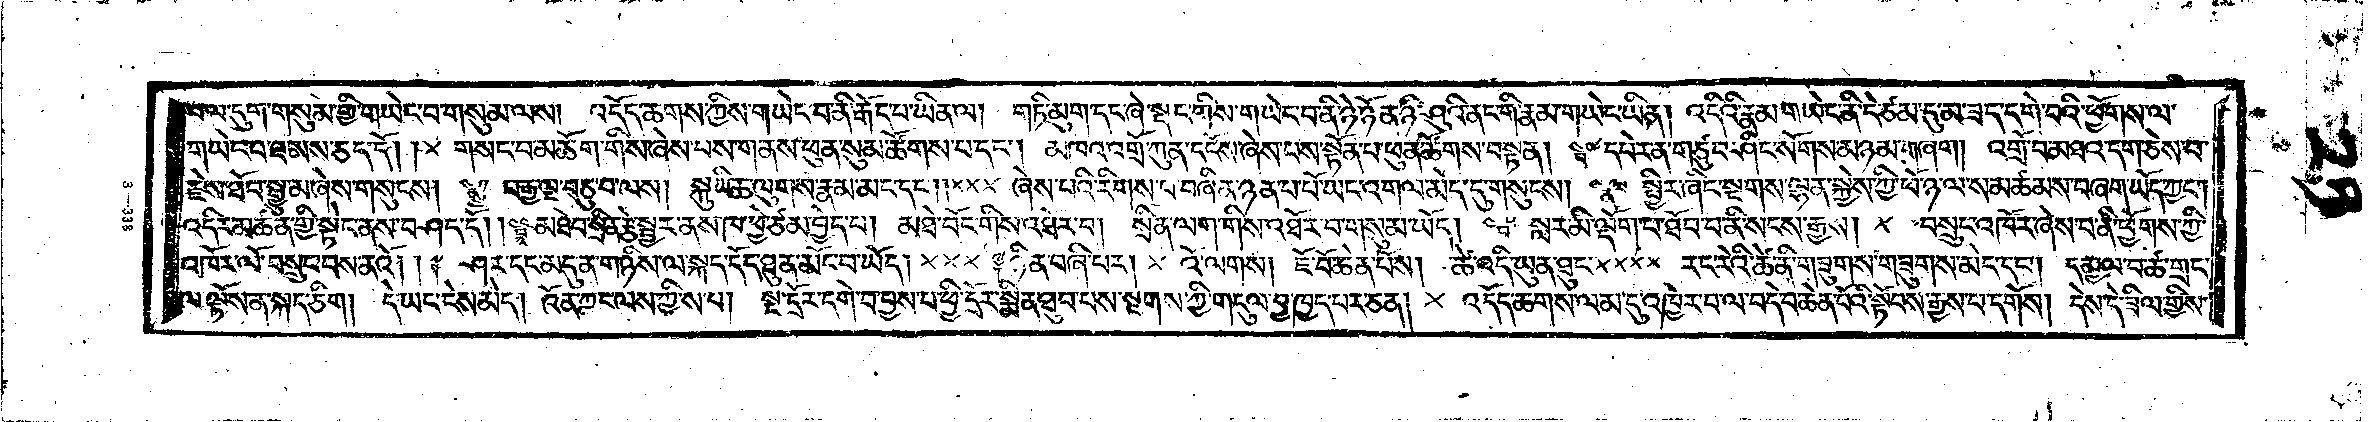པ་ལ་དུག་གསུམ་གྱི་གཡེང་བ་གསུམ་ལས། འདོད་ཆགས་ཀྱིས་གཡེང་པ་ནི་རྒོད་པ་ཡིན་ལ། གཏི་མུག་དང་ཞེ་སྡང་གིས་གཡེང་བ་ནི་ཉེ་ཉོན་ཉི་ཤུའི་ནང་གི་རྣམ་གཡེང་ཡིན། འདིའི་རྣམ་གཡེང་ནི་དེ་ཙམ་དུ་མ་ཟད་དགེ་བའི་ཕྱོགས་ལ་
གཡེང་བ་ཐམས་ཅད་དོ། །྾གསང་བ་མཆོག་གིས་ཞེས་པས་གནས་ཕུན་སུམ་ཚོགས་པ་དང་། མཁའ་འགྲོ་ཀུན་དངོས་ཞེས་པས་སྟོན་པ་ཕུན་ཚོགས་བསྟན། ༤བ༤་དཔེར་ན་གཙུབ་ཤིང་སོགས་མཉམ་གཞག། འགྲོ་བ་མཐའ་དག་ཅེས་པ་
རྗེས་ཐོབ་སྒྱུ་མ་ཞེས་གསུངས། ༤༡ན༤་བརྒྱ་ལྔ་བཅུ་བ་ལས། སྐུ་ཡི་ཆ་ལུགས་རྣམ་མང་དང་། །྾྾྾་ཞེས་པའི་རིགས་པ་བཞིན་ཉན་པ་པོ་ཡང་འགལ་མེད་དུ་གསུངས། ༤༣ན་སྤྱིར་ཞིང་སྔགས་ལྷན་སྐྱེས་ཀྱི་ཕོ་ཉ་ལ་ས་མཚམས་བཞག་ཡོད་ཀྱང་
འདིར་མཚན་གྱི་སྟེང་ནས་བཤད་དོ། །༤༤བ༣་མཐེབ་སྲིན་རྩེ་སྦྱར་ནས་ཁ་ཕྱེ་ཙམ་བྱེད་པ། མཐེ་བོང་གིས་འཐོར་བ། སྲིན་ལག་གིས་འཐོར་བ་གསུམ་ཡོད། ༤བ༥་སླར་མི་ལྡོག་པ་ཐོབ་པ་ནི་སངས་རྒྱས།྾་བསྲུང་འཁོར་ཞེས་པ་ནི་ཕྱོགས་ཀྱི་
འཁོར་ལོ་བསྲུང་བས་ནའོ། །༈ ཤར་དང་མདུན་གཉིས་ལ་སྐད་དོད་ཐུན་མོང་བ་ཡོད།྾྾྾་༈ ཉིན་བཞི་པར།྾་འོ་ལགས། ཇོ་བོ་ཆེན་པོས། ཚེ་འདི་ཡུན་ཐུང྾྾྾྾་རང་རེའི་ཚེ་ནི་གཟུགས་གཟུགས་མེད་དང་། དམྱལ་བ་ཚ་གྲང་
ལ་ལྟོས་ན་སྐད་ཅིག། དེ་ཡང་ངེས་མེད། འོན་ཀྱང་ལས་ཀྱི་ས་པ། སྔ་དྲོར་དགེ་བ་བྱས་པ་ཕྱི་དྲོར་སྨིན་ཐུབ་པས་སྔགས་ཀྱི་གདུལ་བྱ་ཁྱད་པར་ཅན། ྾་འདོད་ཆགས་ལམ་དུ་འཁྱེར་བ་ལ་བདེ་བ་ཆེན་པོའི་སྟོབས་རྒྱས་པ་དགོས། དེས་དེ་ཟིལ་གྱིས་